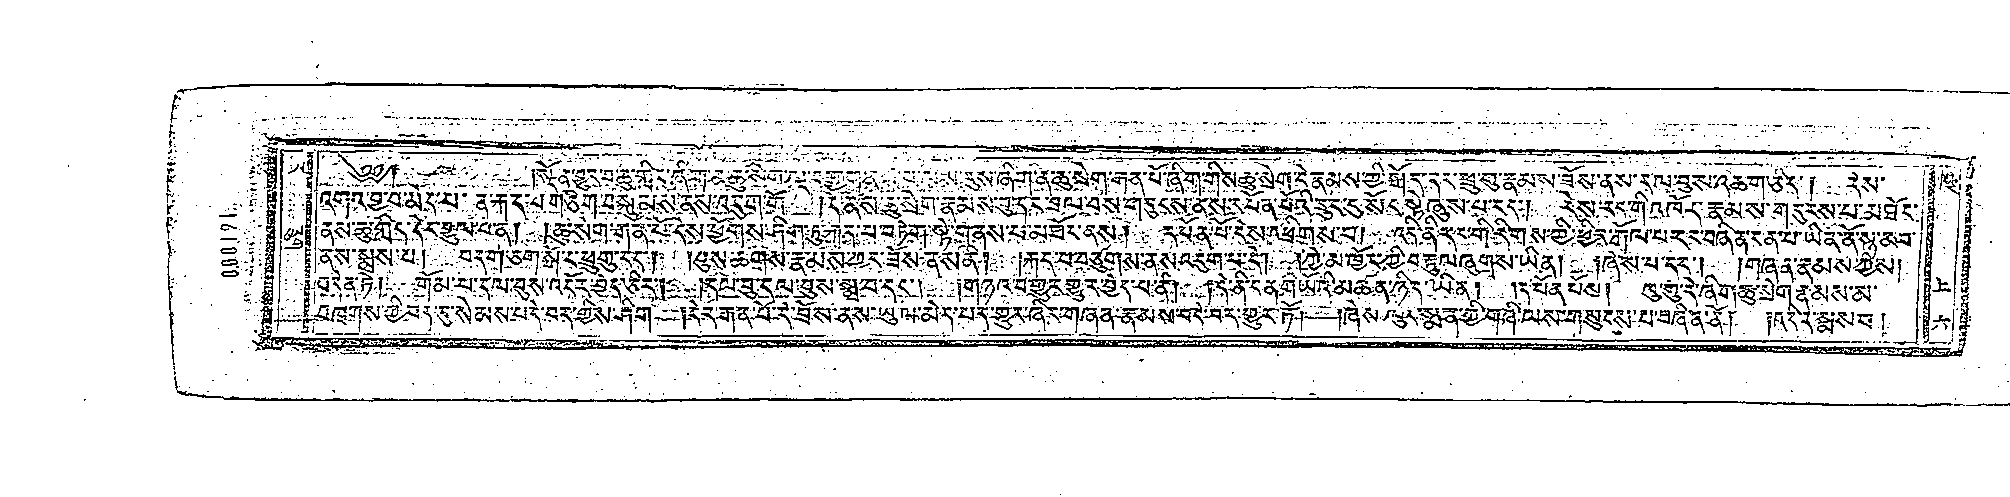༄༅། །སྔོན་བྱུང་བ་ཆུ་གླིང་ཞིག་ན་ཆུ་སེག་ལྔ་བརྒྱ་གནས་པ་ལས་དུས་ཞིག་ན་ཆུ་སྲེག་རྒན་པོ་ཞིག་གིས་ཆུ་སྲེག་དེ་རྣམས་ཀྱི་སྒོད་དང་ཕྲུ་གུ་རྣམས་ཟོས་ནས་དལ་བུས་འཆག་ཅིང་། རེས་
འགའ་བྱ་བ་མེད་པ་ན་རྐང་པ་གཅིག་བསྐུམས་ནས་འདུག་གོ །དེ་ནས་ཆུ་སྲེག་རྣམས་བུ་དང་བྲལ་བས་གདུངས་ནས་དཔོན་པོའི་དྲུང་དུ་སོང་སྟེ་ཞུས་པ་དང་། ངེས་རང་གི་འཁོར་རྣམས་གདུངས་པ་མཐོང་
ནས་ཆུ་གླིང་དེར་བྱུལ་པ་ན། །ཆུ་སེག་རྒན་པོ་དེས་ཕྱོགས་ཤིག་ཏུ་རྐང་པ་བཏེག་སྟེ་གནས་པ་མཐོང་ནས། དཔོན་པོ་དེས་འཕྲིགས་པ། འདི་ནི་རང་གི་རིགས་ཀྱི་ཕྱིར་རྒོལ་བ་རང་བཞིན་ངན་པ་ཡིན་ནོ་སྙམས་
ནས་སྨྲས་པ། བདག་ཅག་སྒོ་ང་ཕྲུ་གུ་དང་། །བུས་ཆགས་རྣམས་ཀྱང་ཟོས་ནས་ནི། །རྐང་པ་བཙུགས་ནས་འདུག་པ་དེ། །ཀྱི་མ་ཁྱོད་ཀྱི་བརྟུལ་ཞུགས་ཡིན། །ཞེས་པ་དང་། །གཞན་རྣམས་ཀྱིས།
བདེན་ཏེ། གོམ་པ་དལ་བུས་འདོར་བྱེད་ཅིང་། །དལ་བུ་དལ་བུས་སྨྲ་བ་དང་། །གཉའ་བ་གྱུར་གྱུར་བྱེད་པ་ནི། །དེ་ནི་ངན་གཡོའི་མཚན་ཉིད་ཡིན། །དཔོན་པོས། ཁུ་གུ་རེ་ཞིག་ཆུ་སྲེག་རྣམས་མ་
འཁྲགས་ཀྱི་བར་དུ་སེམས་པ་དེ་བར་གྱིས་ཤིག །དེར་རྒན་པོ་དེ་བྲོས་ནས་ཡུལ་མེད་པར་གྱུར་ཞིང་གཞན་རྣམས་བདེ་བར་གྱུར་ཏོ། །ཞེས་ལུང་སྨན་གྱི་གཞི་ལས་གསུངས་པ་བཞིན་ནོ། །འདིར་སྨྲས་པ།